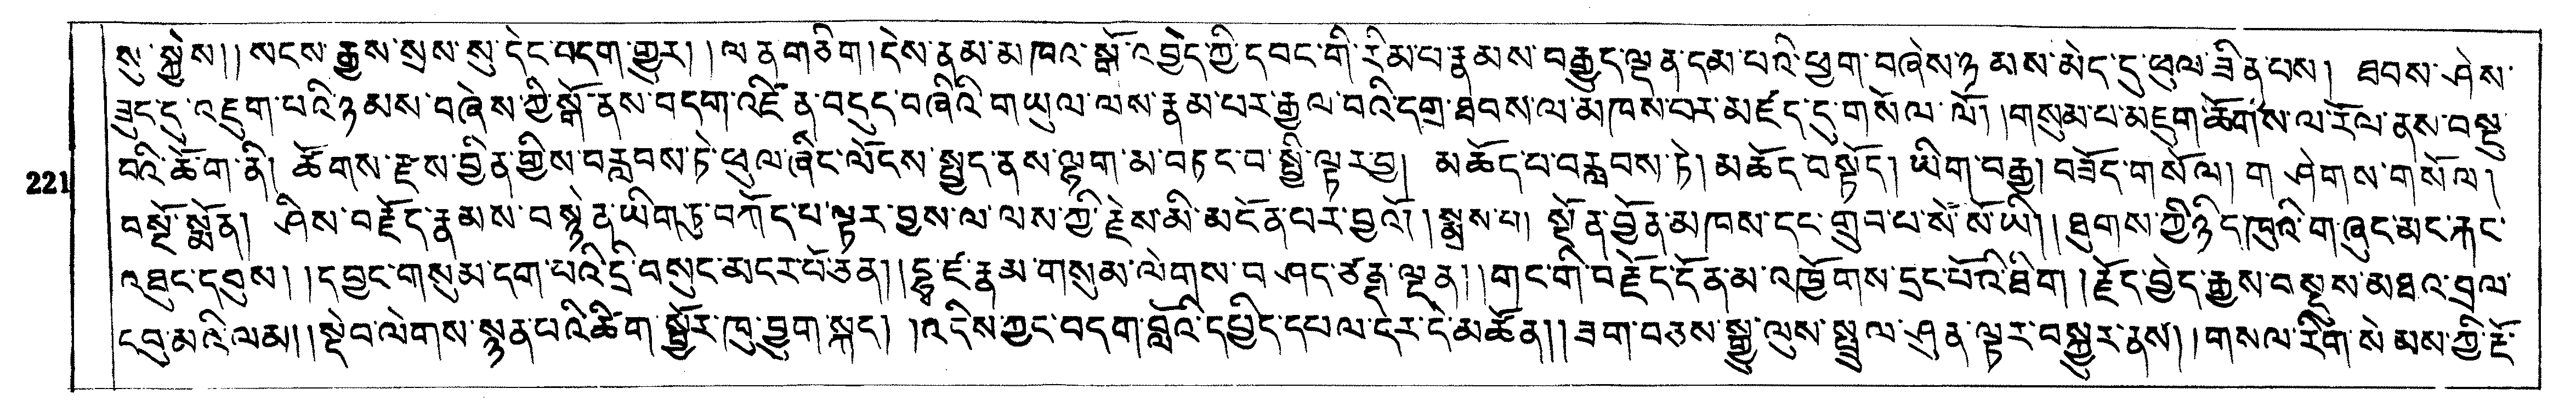སུ་སྐྱེས། །སངས་རྒྱས་སྲས་སུ་དེང་བདག་གྱུར། །ལན་གཅིག །དེས་ནམ་མཁའ་སྒོ་འབྱེད་ཀྱི་དབང་གི་རིམ་པ་རྣམས་བརྒྱུད་ལྡན་དམ་པའི་ཕྱག་བཞེས་ཉམས་མེད་དུ་ཕུལ་ཟིན་པས། ཐབས་ཤེས་
ཟུང་དུ་འཇུག་པའི་ཉམས་བཞེས་ཀྱི་སྒོ་ནས་བདག་འཛིན་བདུད་བཞིའི་གཡུལ་ལས་རྣམ་པར་རྒྱལ་བའི་དགྲ་ཐབས་ལ་མཁས་པར་མཛད་དུ་གསོལ་ལོ། །གསུམ་པ་མཇུག་ཆོགས་ལ་རོལ་ནས་བསྡུ་
བའི་ཆོ་ག་ནི། ཚོགས་རྫས་བྱིན་གྱིས་བརླབས་ཏེ་ཕུལ་ཞིང་ལོངས་སྤྱད་ནས་ལྷག་མ་བཏང་བ་སྤྱི་ལྟར་བྱ། མཆོད་པ་བརླབས་ཏེ། མཆོད་བསྟོད། ཡིག་བརྒྱ། བཟོད་གསོལ། གཤེགས་གསོལ།
བསྔོ་སྨོན། ཤིས་བརྗོད་རྣམས་བསྙེན་ཡིག་ཏུ་བཀོད་པ་ལྟར་བྱས་ལ་ལས་ཀྱི་རྗེས་མི་མངོན་པར་བྱའོ། །སྨྲས་པ། སྔོན་བྱོན་མཁས་དང་གྲུབ་པ་སོ་སོ་ཡི། །ཐུགས་ཀྱི་ཉིད་ཁུའི་གཞུང་མང་རྐང་
འཐུང་དབུས། །དབྱང་གསུམ་དག་པའི་དྲི་བསུང་མངར་པོ་ཅན། །དྷྭ་ཛ་རྣམ་གསུམ་ལེགས་བཤད་ཙནྡ་ལྡན། །གང་གི་བརྗོད་དོན་མ་འཁྱོགས་དྲང་པོའི་ཐིག །རྗོད་བྱེད་རྒྱས་བསྡུས་མཐའ་བྲལ་
དབུ་མའི་ལམ། །སྡེབ་ལེགས་སྙན་པའི་ཚིག་སྦྱོར་ཁུ་བྱུག་སྐད། །འདིས་ཀྱང་བདག་བློའི་དཔྱིད་དཔལ་དར་དེ་མཚོན། །ཟག་བཅས་སྒྱུ་ལུས་སྤྲུལ་ཤུན་ལྟར་བསྐྱུར་ནས། །གསལ་རིག་སེམས་ཀྱི་རྡོ་